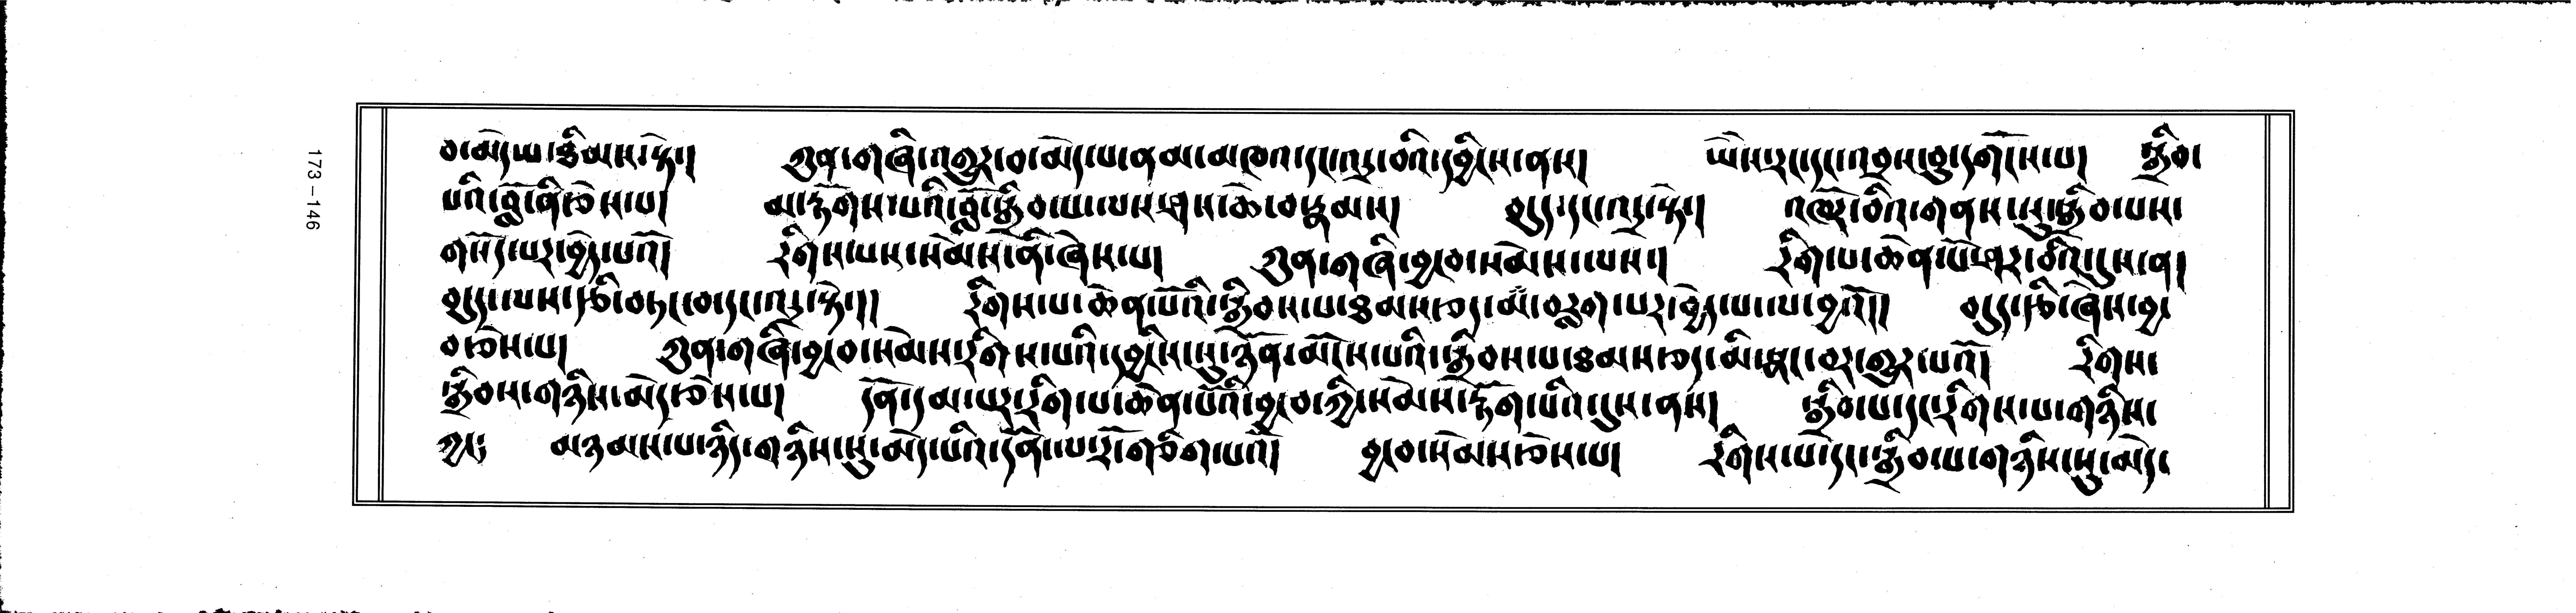བ་མེད་པ་ཐིམ་པ་སྟེ། ཀུན་གཞི་འགྱུར་བ་མེད་པ་ནམ་མཁའ་དང་འདྲ་བའི་དབྱིངས་ནས། ཡེ་ཤེས་རང་དང་འབྲས་བུ་དགོངས་པ྄་ སྒྲིབ་
པའི་བློ་ནི་རྩེས་པ་ མ་རྟོགས་པའི་བློ་སྒྲིབ་པ་ཤས་ཆེ་བ་རྣམས། བདུད་དང་འདྲ་སྟེ། འཁོར་བའི་གནས་སུ་སྒྲིབ་པས་
གསོད་པར་བྱེད་པའོ། །རིག་པའི་སེམས་ནི་ཅེས་པས། ཀུན་གཞི་བྱང་ཆུབ་སེམས་ལས་ རིག་པ་ཆེན་པོ་ཤར་བའི་དུས་ན། 
བདུད་ལས་རྩི་བཏང་བ་དང་འདྲ་སྟེ། རིག་པ་ཆེན་པོས་སྒྲིབ་པ་ཐམས་ཅད་བརླག་པར་བྱེད་པ་ལ་བྱའོ། །བདུད་རྩི་ཞེས་བྱ་བ་
བརྩེས་པ། ཀུན་གཞི་བྱང་ཆུབ་ཀྱི་སེམས་རིག་པའི་དབྱིངས་སུ་ཉོན་མོངས་པའི་སྒྲིབ་པ་ཐམས་ཅད་མི་སྣང་བར་འགྱུར་བའོ། །རིག་
སྒྲིབ་གཉིས་མེད་ཅེས་པས། དོན་དམ་པར་རིག་པ་ཆེན་པོའི་བྱང་ཆུབ་ཀྱི་སེམས་རྟོགས་པའི་དུས་ན། སྒྲིབ་པ་དང་རིག་པ་གཉིས་
ཀྱང་། མཉམ་པ་ཉིད་གཉིས་སུ་མེད་པའི་དོན་ལ་རོ་གཅིག་པའོ། །བྱང་ཆུབ་སེམས་ཅེས་པ། རིག་པ་དང་སྒྲིབ་པ་གཉིས་སུ་མེད་